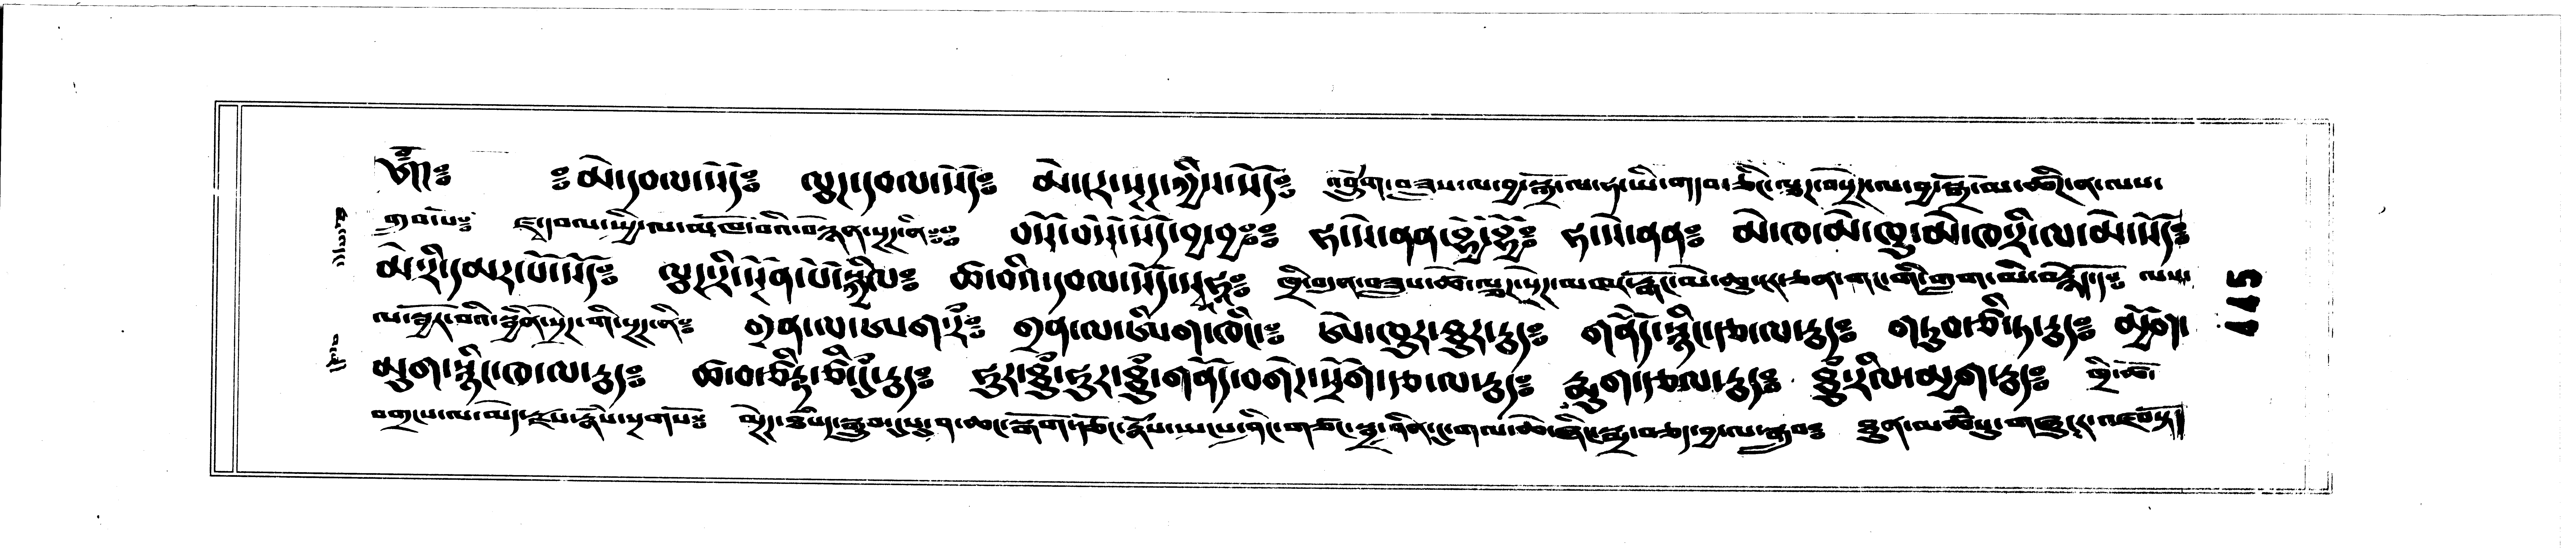༔མེ་དབལ་སོད༔ལྕགས་དབལ་སོད༔མེ་ངར་སྔགས་ཀྱིས་སོད༔འབུམ་ཕྲག་བཟླས་ལ་བྱ་སྒྲོ་ལ་ཧ་ཡི་གདབ་ཅིང་ལྕགས་བསྲེགས་ལ་བྱ་སྒྲོ་མ་ཚིགས་ན་ལས་
གྲུབ་བོ༔ཛྭ་དབལ་སྤྱི་ལ་མཁོ་བའི་བསྙེན་སྔགས་ནི༔༔བསྭོ་བསྭོ་སོད་བྱ་བྱ༔༔ཧ་སེ་ནན་བྷྱོ་བྷྱོ༔ཧ་སེ་ནན༔མེ་ཁ་མེ་ཁུ་མེ་ཁ་རི་ལ་མེ་སོད༔
མེ་རི་དམར་པོ་སོད༔ལྕགས་རི་སྔོན་པོ་སྐྱིལ༔ཚ་བའི་དབལ་སོད་སྭཧཱ༔ཁྲི་བདུན་བཟླས་ཚེ་ལྕགས་སྲེགས་མཁར་སྒོང་མེ་ཆུ་ངར་ཅན་གང་གིས་གླག་མི་རྙེད་དོ༔ལས་
ལ་སྦྱོར་བའི་སྦྱིན་སྲེགས་གི་སྔགས་ནི༔ གྲན་ལ་ཨག་རཾ༔གྲན་ལ་ཨིག་ཁིང༔ཨེ་ཁུར་ཐུར་རྦད༔གནོད་བྱེད་སྙིང་རྩ་ལ་རྦད༔གཏུབ་ཙི་ཏ་རྦད༔མྱོག་
མུག་སྙིང་ཁ་ལ་རྦད༔ཚ་བ་ཙིརྟ་ཙི་དུཾ་རྦད༔ཧུར་ཐུཾ་ཧུར་ཐུཾ་གནོད་བགེགས་སྲོག་རྩ་ལ་རྦད༔རྨུག་རྩལ་རྦད༔ཐུཾ་རིལ་མྱག་རྦད༔ཁྲི་ཚོ་
བགྲངས་ལ་མེ་རྫས་རྣམས་སྔགས་སོ༔ མེ་སྔགས་ཐམས་ཅད་སྒྲུབ་དུས་སུ་ཤ་ཆང་སྒོག་ཙོང་རྣམས་སྤངས་ཤིང་གཙང་སྦྲ་ཤིན་ཏུ་གལ་ཆེ་ཞིང་སྨྲ་བཅད་བྱ་ལ་སྒྲུབ༔ཐུན་མཚམས་སུ་གཞུང་ལྟར་འཛབ་བསྟོད་